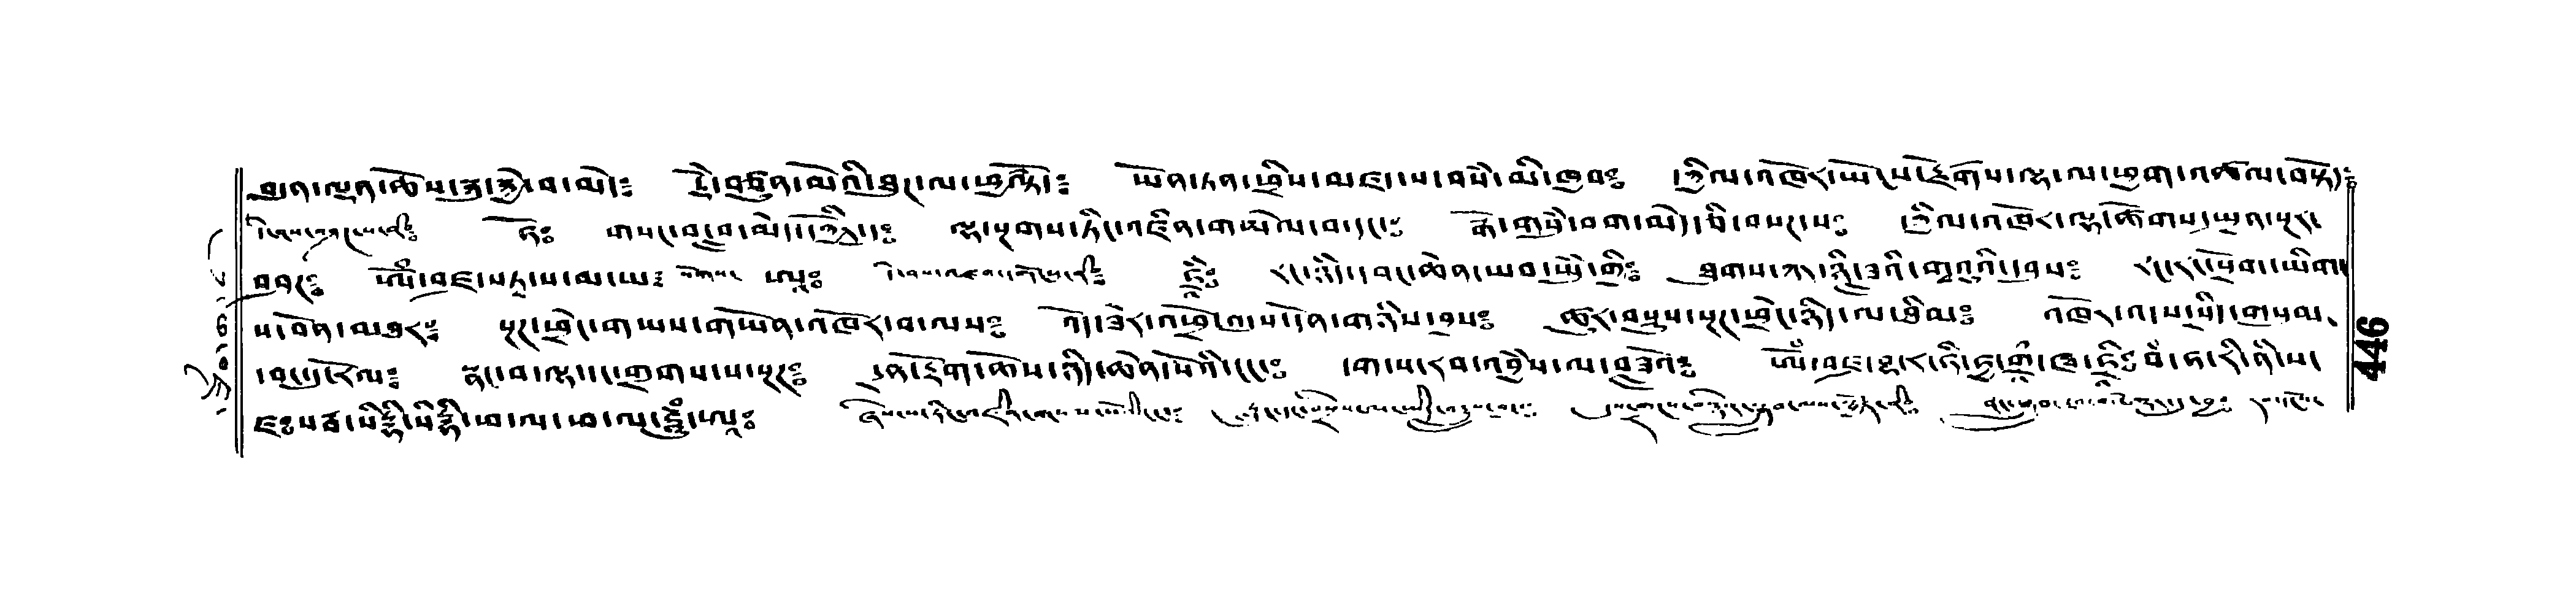བདུན་ལྡན་ཆོས་སྐུ་སྐྱེ་བ་མེད༔ རྡོ་རྗེ་བཙུན་མོའི་ཐུགས་ལ་ཕྱག་འཚལ་བསྟོད༔ ཡོན་ཏན་ཕྲིན་ལས་མཛད་པ་བསམ་མི་ཁྱབ༔ དཀྱིལ་འཁོར་ཡོངས་རྫོགས་ལྷ་ལ་ཕྱག་འཚལ་བསྟོད༔ 
དེ་ནས་བཤགས་པ་ནི༔ ཧོཿ གསང་བ་བླ་མེད་དཀྱིལ་འཁོར་དུ༔ ལྷ་སྔགས་ཏིང་འཛིན་གཡེལ་བ་དང༔ སྒོ་གསུམ་བག་མེད་ཅི་བསགས་པ༔ དཀྱིལ་འཁོར་ལྷ་ཚོགས་སྤྱན་སྔར་
བཤགས༔ ཨོཾ་བཛྲ་སཏྭ་ས་མ་ཡ༴ སོགས༔ ཨཱཿ དེ་ནས་འཛབ་དགོངས་ནི༔ ཧྲཱིཿ རང་ཉིད་དབང་ཆེན་ཡབ་ཡུམ་གྱི༔ ཐུགས་ཀར་ཉི་ཟླའི་གྭའུའི་དབུས༔ རང་རང་སྲོག་ཡིག་
ས་བོན་མཐར༔ སྔགས་ཕྲེང་གཡས་གཡོན་འཁོར་བ་ལས༔ འོད་ཟེར་འཕྲོ་འདུས་དོན་གཉིས་བྱས༔ ཚུར་བསྡུས་སྔགས་ཕྲེང་ཉིད་ལ་ཐིམ༔ འཁོར་འདས་སྲིད་གསུམ་
དབང་དུ་རོལ༔ སྣང་བ་ལྷ་དང་གྲགས་པ་སྔགས༔ དྲན་རྟོག་ཆོས་ཉིད་ཆེན་པོའི་ངང༔ དག་པ་རབ་འབྱམས་ལ་བཟླའོ༔ ཨོཾ་བཛྲ་བྷ་ར་ཧི་ཧྱ་གྲཱྀ་ཝ་ཧྲཱིཿབཾ་ཧ་རི་ནི་ས་
ཛཿསརྦ་སིདྡྷི་སིདྡྷི་ཕ་ལ་ཕ་ལ་ཧཱུྃ་ཨཱཿ ཞེས་པ་ཏིང་འཛིན་གསལ་པོའི་ངང༔ རླུང་དང་བསྲེས་ལ་ཡིད་བཟླས་བྱ༔ དུས་གྲངས་སྙེན་སྒྲུབ་ལས་སྦྱོར་ནི༔ ནང་སྒྲུབ་ཟབ་མོ་ལྟར་དུ་བྱ༔ རབ་དངོས་